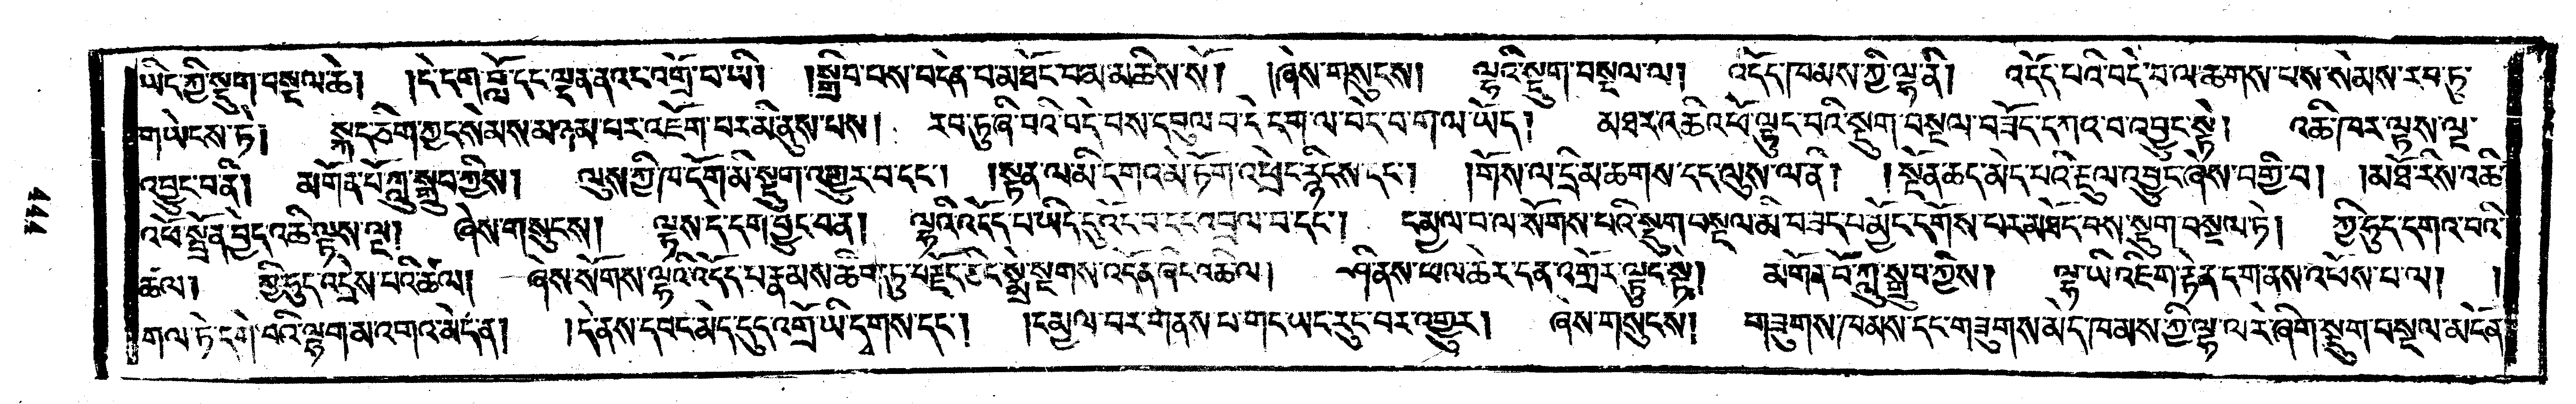ཡིད་ཀྱི་སྡུག་བསྔལ་ཆེ། །དེ་དག་བློ་དང་ལྡན་ནའང་འགྲོ་བ་ཡི། །སྒྲིབ་པས་བདེན་པ་མཐོང་བ་མ་མཆིས་སོ། །ཞེས་གསུངས། ལྷའི་སྡུག་བསྔལ་ལ། འདོད་ཁམས་ཀྱི་ལྷ་ནི། འདོད་པའི་བདེ་བ་ལ་ཆགས་པས་སེམས་རབ་ཏུ་
གཡེངས་ཏེ། སྐད་ཅིག་ཀྱང་སེམས་མཉམ་པར་འཇོག་པར་མི་ནུས་པས། རབ་ཏུ་ཞི་བའི་བདེ་བས་དབུལ་བ་དེ་དག་ལ་བདེ་བ་ག་ལ་ཡོད། མཐར་འཆི་འཕོ་ལྟུང་བའི་སྡུག་བསྔལ་བཟོད་དཀའ་བ་འབྱུང་སྟེ། འཆི་ཁར་ལྟས་ལྔ་
འབྱུང་བ་ནི། མགོན་པོ་ཀླུ་སྒྲུབ་ཀྱིས། ལུས་ཀྱི་ཁ་དོག་མི་སྡུག་འགྱུར་བ་དང་། །སྟན་ལ་མི་དགའ་མེ་ཏོག་འཕྲེང་སྙིངས་དང་། །གོས་ལ་དྲི་མ་ཆགས་དང་ལུས་ལ་ནི། །སྔོན་ཆད་མེད་པའི་རྡུལ་འབྱུང་ཞེས་བགྱི་བ། །མཐོ་རིས་འཆི་
འཕོ་སྤྲོན་བྱེད་འཆི་ལྟས་ལྔ། ཞེས་གསུངས། ལྟས་དེ་དག་བྱུང་བ་ན། ལྷའི་འདོད་པ་ཡིད་དུ་འོང་བ་དང་འབྲལ་བ་དང་། དམྱལ་བ་ལ་སོགས་པའི་སྡུག་བསྔལ་མི་བཟད་པ་མྱོང་དགོས་པར་མཐོང་བས་སྡུག་བསྔལ་ཏེ། ཀྱི་ཧུད་དགའ་བའི་
ཚལ། ཀྱི་ཧུད་འདྲས་པའི་ཚལ། ཞེས་སོགས་ལྷའི་འདོད་པ་རྣམས་ཚིག་ཏུ་བརྗོད་ཅིང་སྨྲེས་སྔགས་འདོན་ཞིང་འཆི་ལ། ཤི་ནས་ཕལ་ཆེར་ངན་འགྲོར་ལྟུང་སྟེ། མགོན་པོ་ཀླུ་སྒྲུབ་ཀྱིས། ལྷ་ཡི་འཇིག་རྟེན་དག་ནས་འཕོས་པས། །
གལ་ཏེ་དགེ་བའི་ལྷག་མ་འགལ་མེད་ན། །དེ་ནས་དབང་མེད་དུད་འགྲོ་ཡི་དྭགས་དང་། །དམྱལ་བར་གནས་པ་གང་ཡང་རུང་བར་འགྱུར། ཞེས་གསུངས། གཟུགས་ཁམས་དང་གཟུགས་མེད་གཟུགས་མེད་ཁམས་ཀྱི་ལྷ་ལ་རེ་ཞིག་སྡུག་བསྔལ་མངོན་